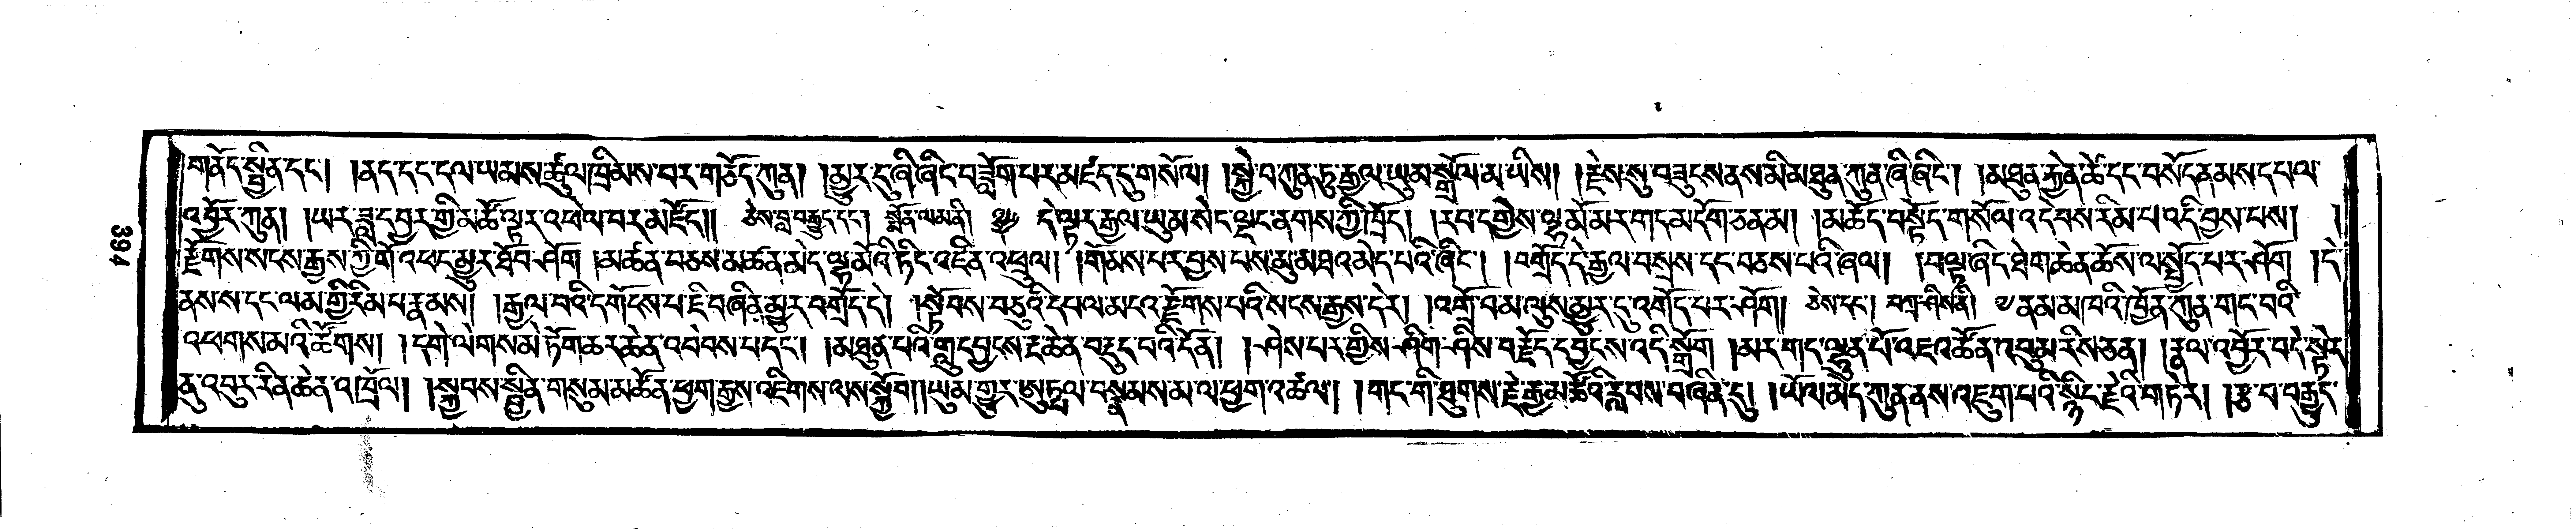གནོད་སྦྱིན་དང་། །ནད་དང་དལ་ཡམས་ཚུལ་ཁྲིམས་བར་གཅོད་ཀུན། །མྱུར་དུ་ཞི་ཞིང་བཟློག་པར་མཛད་དུ་གསོལ། །སྐྱེ་བ་ཀུན་ཏུ་རྒྱལ་ཡུམ་སྒྲོལ་མ་ཡིས། །རྗེས་སུ་བཟུངས་ནས་མི་མཐུན་ཀུན་ཞི་ཞིང་། །མཐུན་རྐྱེན་ཚེ་དང་བསོད་ནམས་དཔལ་
འབྱོར་ཀུན། །ཡར་ཟླ་དབྱར་གྱི་མཚོ་ལྟར་འཕེལ་བར་མཛོད།། ཅེས་བླ་བརྒྱུད་དང་། སྨོན་ལམ་ནི། ༈ དེ་ལྟར་རྒྱལ་ཡུམ་སེང་ལྡན་ནགས་ཀྱི་ཁྲོད། །རབ་དགྱེས་ལྷ་མོ་མར་གད་མདོག་ཅན་མ། །མཆོད་བསྟོད་གསོལ་འདེབས་རིམ་པ་འདི་བྱས་པས། །
རྫོགས་སངས་རྒྱས་ཀྱི་གོ་འཕང་མྱུར་ཐོབ་ཤོག །མཚན་བཅས་མཚན་མེད་ལྷ་མོའི་ཏིང་འཛིན་འཕྲུལ། །གོམས་པར་བྱས་པས་མུ་མཐའ་མེད་པའི་ཞིང་། །བགྲོད་དེ་རྒྱལ་བསྲས་དང་བཅས་པའི་ཞལ། །བལྟ་ཞིང་ཐེག་ཆེན་ཆོས་ལ་སྤྱོད་པར་ཤོག །དེ་
ནས་ས་དང་ལམ་གྱི་རིམ་པ་རྣམས། །རྒྱལ་བའི་དགོངས་པ་ཇི་བཞིན་མྱུར་བགྲོད་དེ། །སྟོབས་བཅུའི་དཔལ་མངའ་རྫོགས་པའི་སངས་རྒྱས་དེར། །འགྲོ་བ་མ་ལུས་མྱུར་དུ་འགོད་པར་ཤོག། ཅེས་དང་། བཀྲ་ཤིས་ནི། ༧་ནམ་མཁའི་ཁྱོན་ཀུན་གང་བའི་
འཕགས་མའི་ཚོགས། །དགེ་ལེགས་མེ་ཏོག་ཆར་ཆེན་འབེབས་པ་དང་། །མཐུན་པའི་གླུ་དབྱངས་རྔ་ཆེན་བརྡུང་བའི་དོན། །ཤེས་པར་གྱིས་ཤིག་ཤིས་བརྗོད་དབྱངས་འདི་སྒྲོག །མར་གང་ལྷུན་པོ་འཇའ་ཚོན་འབུམ་རིས་ཅན། །རྣལ་འབྱོར་བདེ་སྟེར་
ནུ་འབུར་རིན་ཆེན་འཁྲོལ། །སྐྱབས་སྦྱིན་གསུམ་མཚོན་ཕྱག་རྒྱས་འཇིགས་ལས་སྐྱོབ། །ཡུམ་གྱུར་ཨུཏྤལ་བསྣམས་མ་ལ་ཕྱག་འཚལ། །གང་གི་ཐུགས་རྗེ་རྒྱ་མཚོའི་རླབས་བཞིན་དུ། །ཡོལ་མེད་ཀུན་ནས་འཇུག་པའི་སྙིང་རྗེའི་གཏེར། །རྩ་བ་བརྒྱུད་